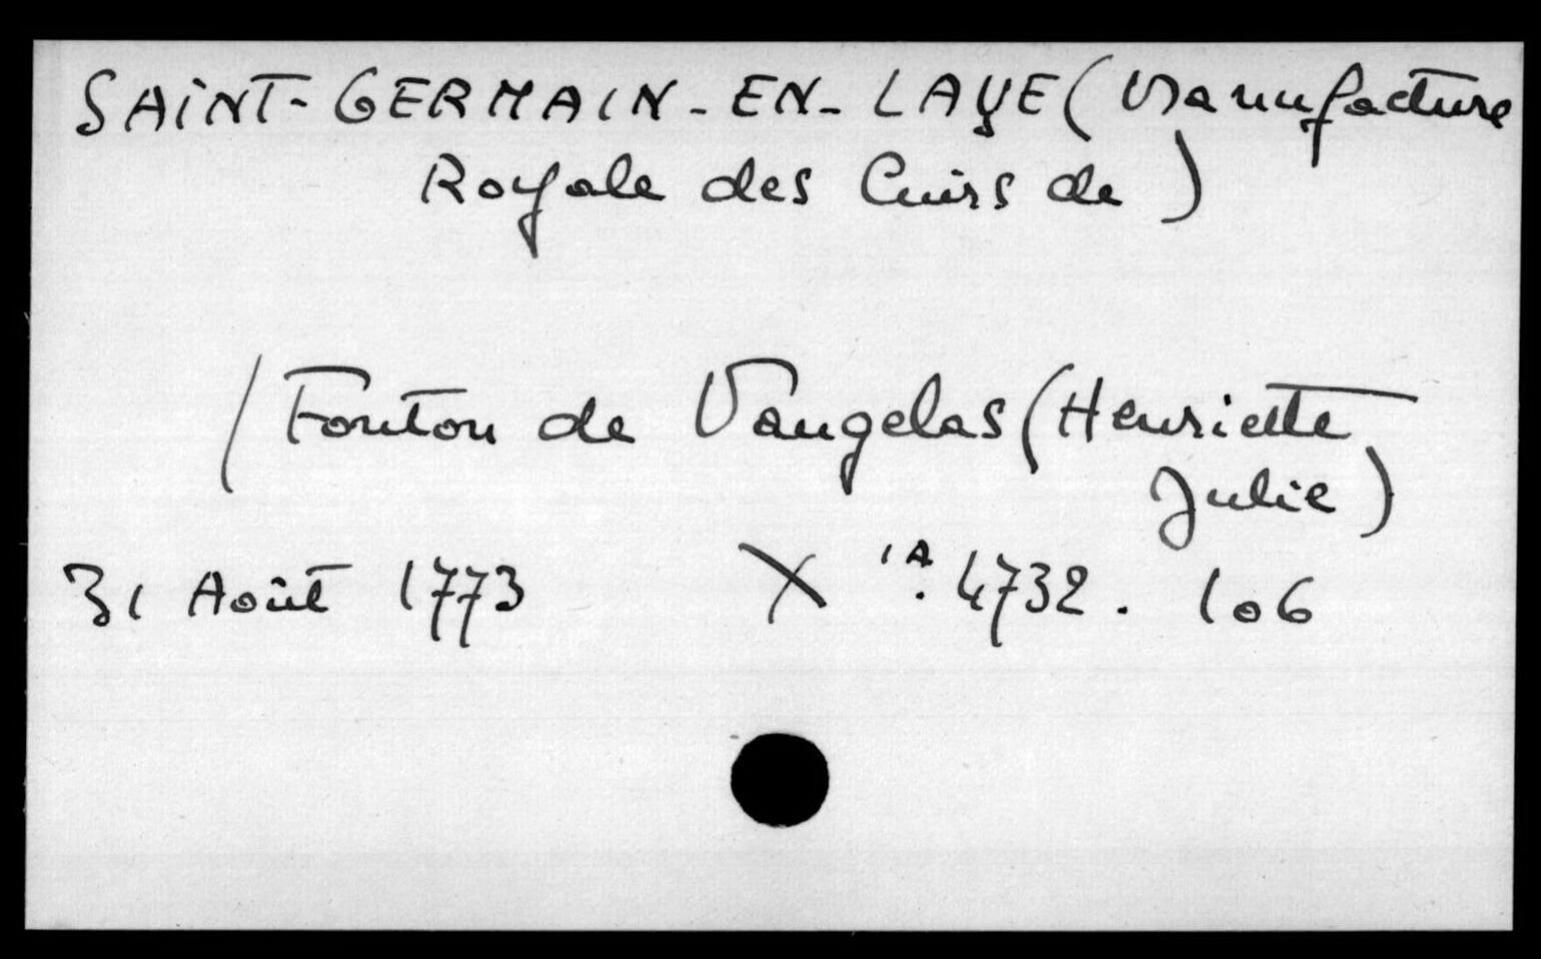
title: SAINT-GERMAIN-EN-LAYE (Manufacture Royale des Cuirs de)
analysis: Contre Fouton de Vaugelas (Henriette Julie)
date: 31 août 1773
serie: X1A
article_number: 4732
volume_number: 106
